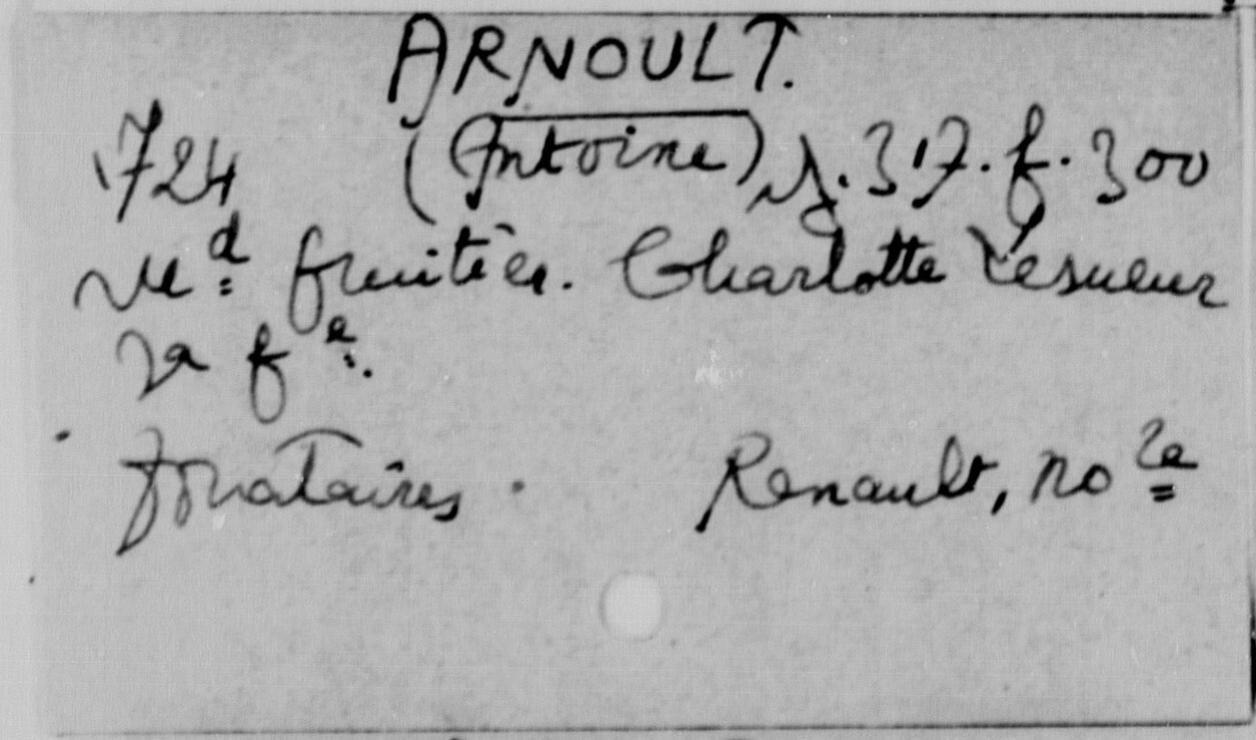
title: ARNOULT (Antoine)
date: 1724
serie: Y
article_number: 317
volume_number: fol. 300
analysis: Marchand fruitier. Charlotte Lesueur, sa femme. Donataires. Renault, notaire
